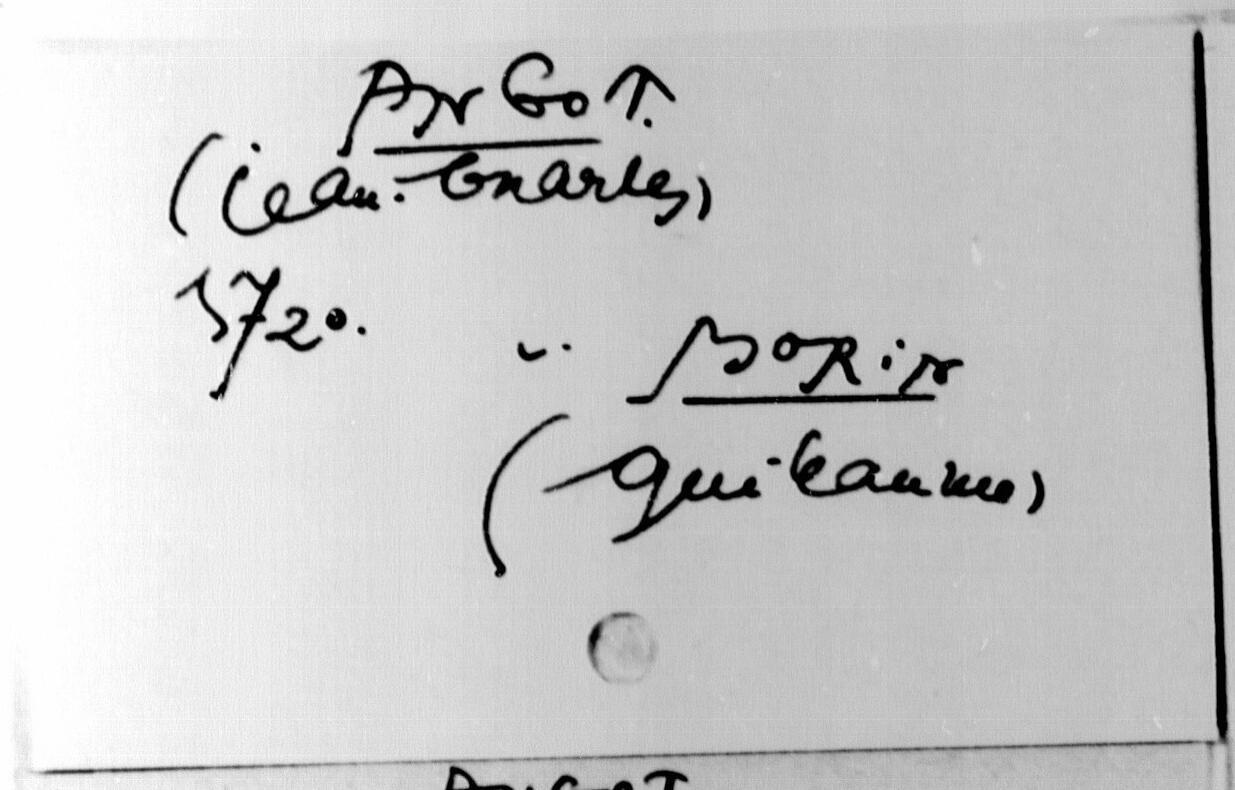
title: ANGOT (Jean-Charles)
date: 1720
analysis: Voir MORIN (Guillaume)
